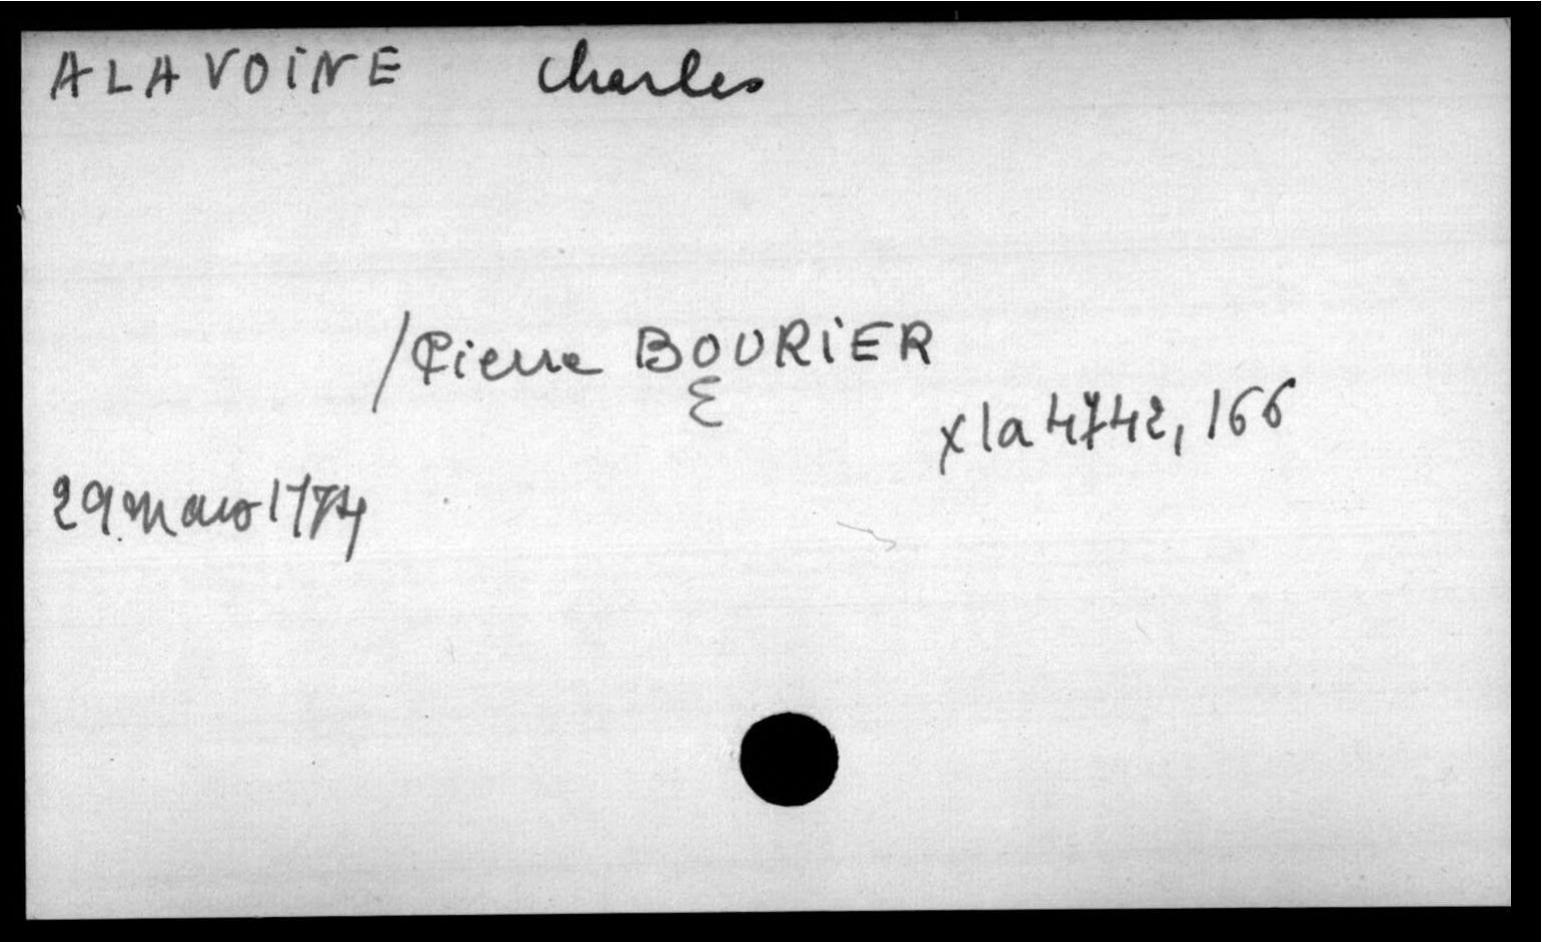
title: ALAVOINE Charles
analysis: Contre Pierre BOURIER
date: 29 mars 1774
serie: X1a
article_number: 4742
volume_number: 166
